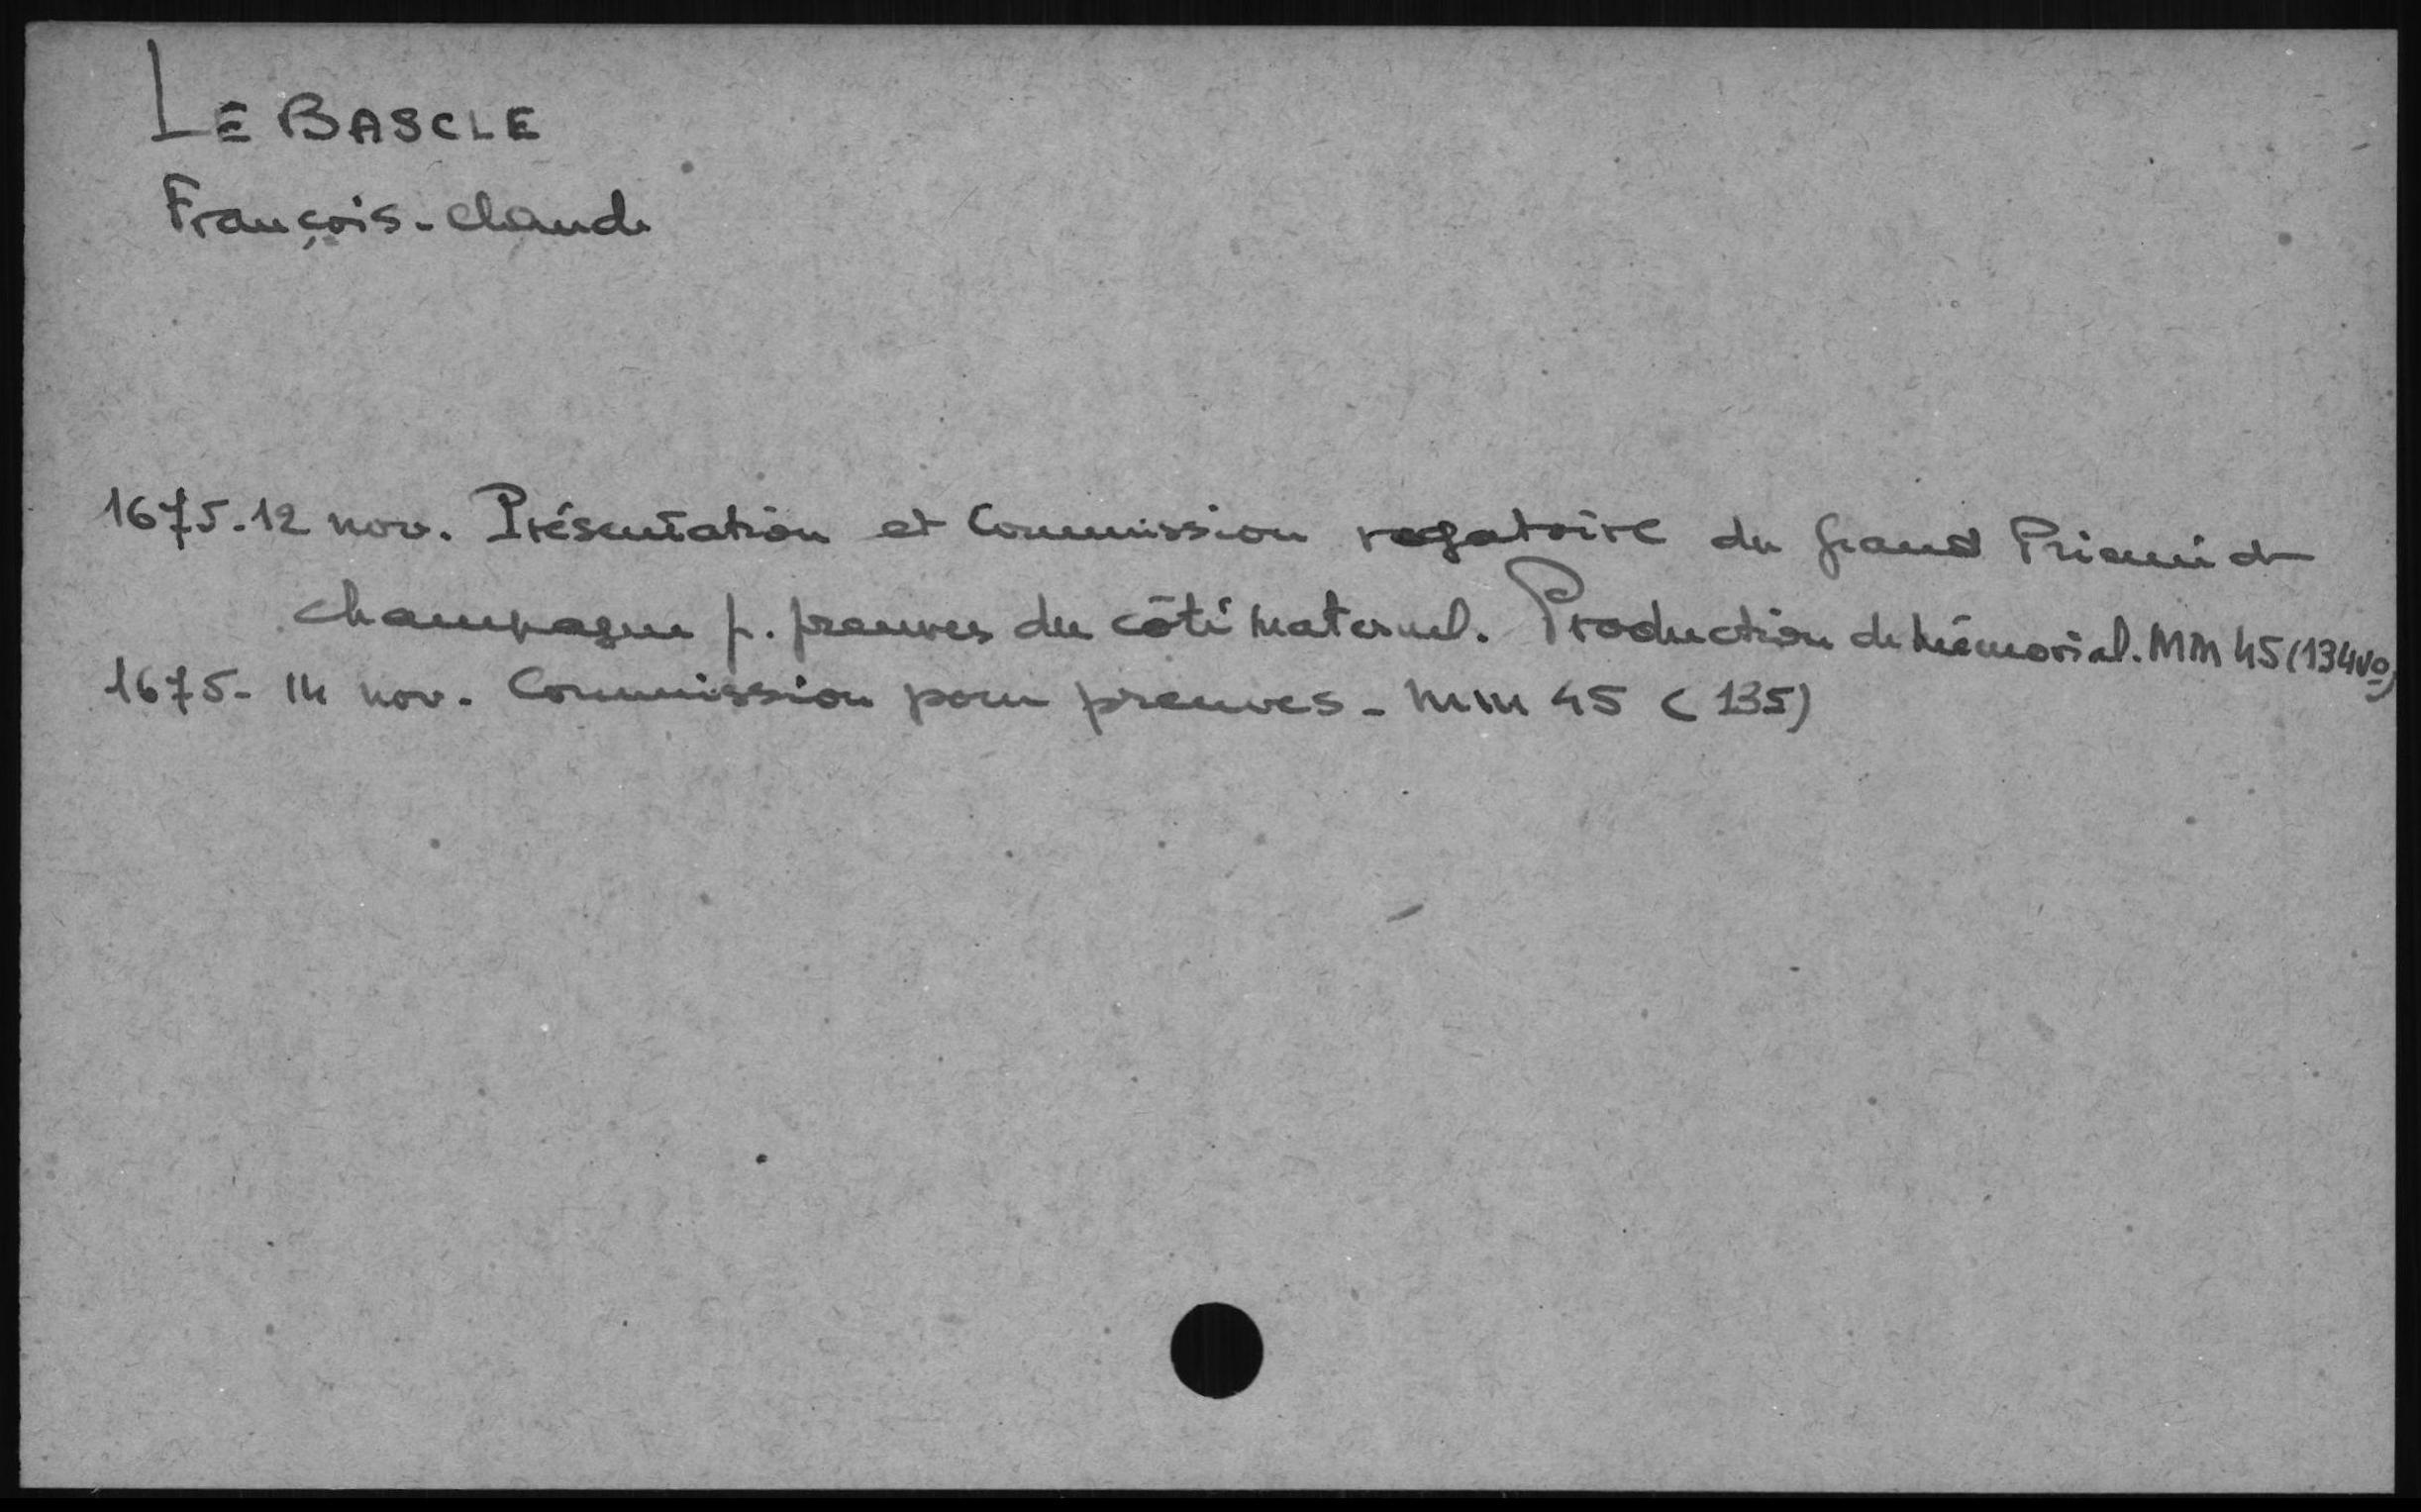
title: LE BASCLE François-Claude
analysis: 1675, 12 novembre Présentation et commission rogatoire du Grand Prieuré de Champagne pour preuves du côté maternel. Production de mémorial. MM 45 (134v) 1675, 14 novembre. Commission pour preuves. MM 45 (135)
